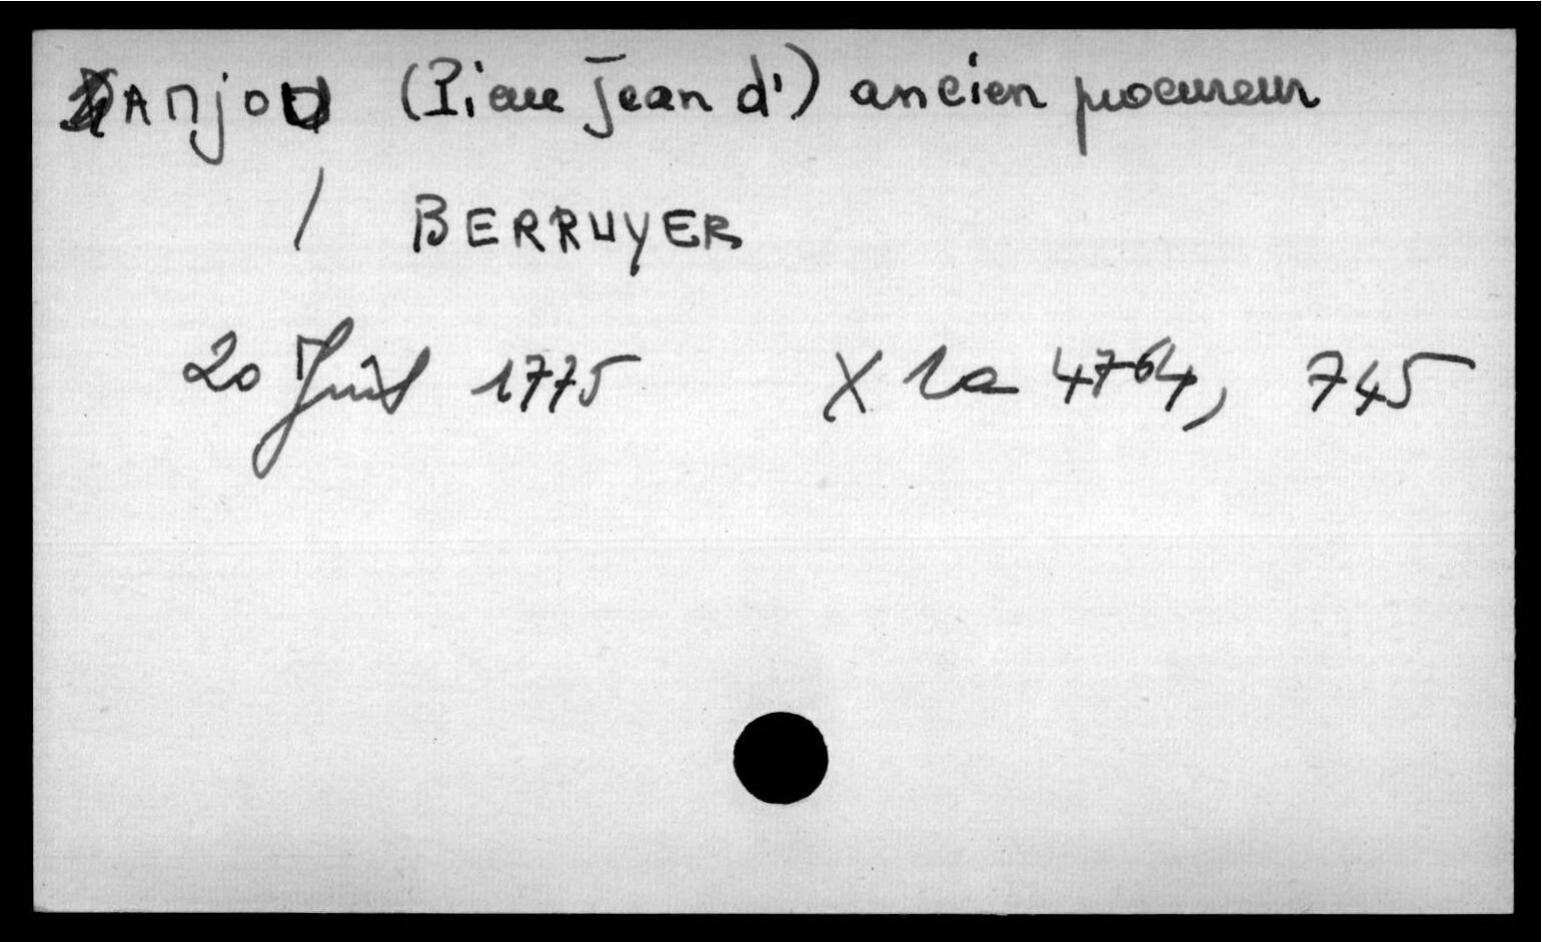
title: ANJOU(Pierre Jean d') ancien procureur
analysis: Contre BERRUYER
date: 20 juillet 1775
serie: X1a
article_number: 4764
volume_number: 745
